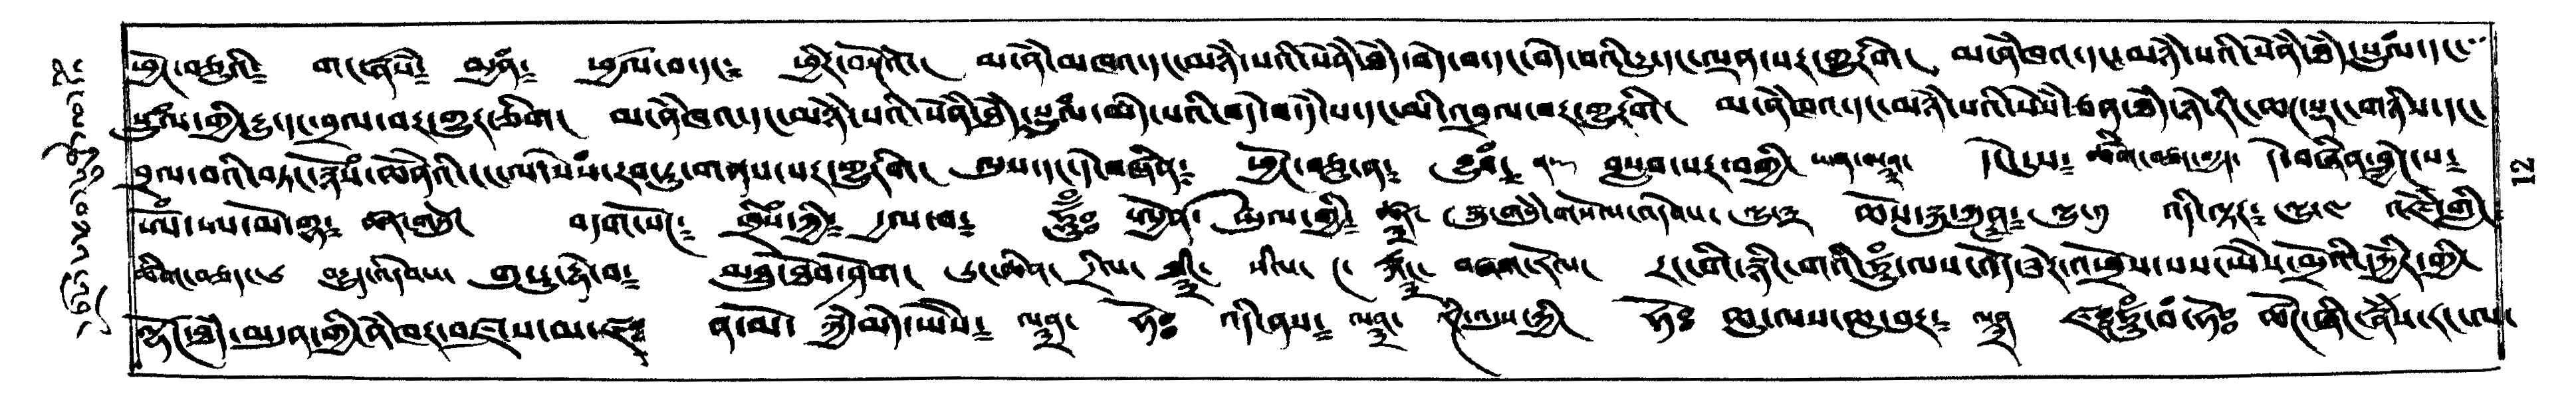ཕྱོགས་བཅུའི༴ གང་རྣམས༴ མྱ་ངན༴ ཕྱག་འཚལ་བ་དང༴ ཕྱིར་བསྔོའོ། མ་ནམ་མཁའ་དང་མཉམ་པའི་སེམས་ཅན་ཐམས་ཅད་བདེ་བ་དང་བདེ་བའི་རྒྱུ་དང་ལྡན་པར་གྱུར་ཅིག མ་ནམ་མཁའ་དང་མཉམ་པའི་སེམས་ཅན་ཐམས་ཅད་སྡུག་བསྔལ་དང་
སྡུག་བསྔལ་གྱི་རྒྱུ་དང་བྲལ་བར་གྱུར་ཅིག མ་ནམ་མཁའ་དང་མཉམ་པའི་སེམས་ཅན་ཐམས་ཅད་སྡུག་བསྔལ་མེད་པའི་བདེ་བ་དམ་པ་དང་མི་འབྲལ་བར་གྱུར་ཅིག མ་ནམ་མཁའ་དང་མཉམ་པའི་སེམས་ཅན་ཐམས་ཅད་ཉེ་རིང་ཆགས་སྡང་གཉིས་
དང་བྲལ་བའི་བཏང་སྙོམས་ཆེན་པོའི་ངང་ལ་སེམས་རབ་ཏུ་གནས་པར་གྱུར་ཅིག ལུས་དང་དེ་བཞིན༴ ཕྱོགས་བཅུ་ན༴ བྱང་ཆུབ༴ ནས། བསླབ་པར་བགྱི། ཡན་ལན་གསུམ། དེང་དུས༴ ཚིག་བཅད་བརྒྱད། དེ་བཞིན་གཤེགས་པ་༴ 
ཨོཾ་ཨ་མོ་གྷ༴ ཚར་གསུམ། བདག་སོགས༴ ཁྲིམས་ཀྱི༴ རྒྱལ་བ༴ ཧཱུྃ༔ ཨོ་རྒྱན་ཡུལ་གྱི༴ ཚར་གསུམ། སྐུ་གསུམ་གསོལ་འདེབས། ལྷུ་གསུམ། འདི་ལྟར༴ ལྷུ་བཞི། འཛམ་གླིང་། 
ཚིག་བཅད་དྲུག བརྒྱུད་འདེབས། གུ་རུ་དྷེ་བ༴ མཐུ་ཐོབ་ཤོག དུང་ཆེན། དྲིལ། ཐིང་གསུམ། སིལ། ཌཱ་རྐང་གསུམ། བཞག་རོལ། རང་གི་སྙིང་གའི་ཧཱུྂ་ལས་འོད་ཟེར་འཕྲོས་པས་ཡེ་ཤེས་མཁའ་འགྲོའི་དཀྱིལ་འཁོར་གྱི་
ལྷ་ཚོགས་ཐམས་ཅད་མདུན་གྱི་ནམ་མཁར་བཛྲ་ས་མ་ཛཿ ན་མོ་སྐྱེ་མེད་ཡེ་ཤེས༴ ལན་གསུམ། ཧོཿ འདི་ནས༴ ལན་གསུམ། རིགས་འདུས་ཀྱི། ཧོཿ ཆུ་ལས་ཆུ་བུར༴ ལན་གསུམ། ཛཿཧཱུྂ་བཾ་ཧོཿ ཚོགས་ཞིང་རྣམས་རང་ལ་